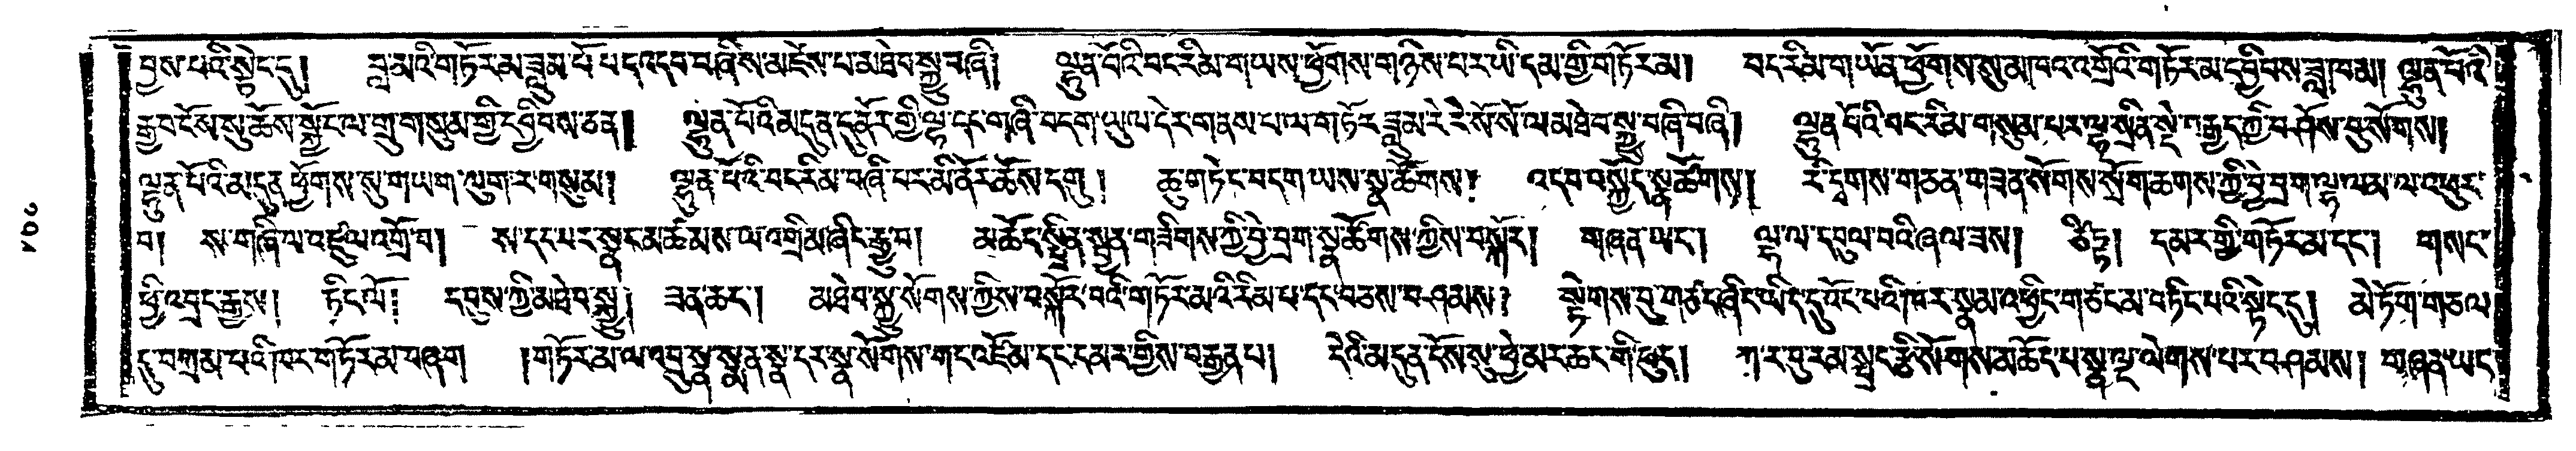བྱས་པའི་སྟེང་དུ། བླ་མའི་གཏོར་མ་ཟླུམ་པོ་པད་འདབ་བཞིས་མཛེས་པ་མཐེབ་སྐྱུ་བཞི། ལྷུན་པོའི་བང་རིམ་གཡས་ཕྱོགས་གཉིས་པར་ཡི་དམ་གྱི་གཏོར་མ། བང་རིམ་གཡོན་ཕྱོགས་སུ་མཁའ་འགྲོའི་གཏོར་མ་དབྱིབས་ཟླ་ཁམ། ལྷུན་པོའི་
རྒྱབ་ངོས་སུ་ཆོས་སྐྱོང་ལ་གྲུ་གསུམ་གྱི་དབྱིབས་ཅན། ལྷུན་པོའི་མདུན་དུ་ནོར་གྱི་ལྷ་དང་གཞི་བདག་ཡུལ་དེར་གནས་པ་ལ་གཏོར་ཟླུམ་རེ་རེ་སོ་སོ་ལ་མཐེབ་སྐྱུ་བཞི་བཞི། ལྷུན་པོའི་བང་རིམ་གསུམ་པར་ལྷ་སྲིན་སྡེ་བརྒྱད་ཀྱི་བཤོས་བུ་སོགས།
ལྷུན་པོའི་མདུན་ཕྱོགས་སུ་གཡག་ལུག་ར་གསུམ། ལྷུན་པོའི་བང་རིམ་བཞི་པར་མི་ནོར་ཆོས་དགུ། ཆུ་གཏེང་བདག་ཡས་སྣ་ཚོགས། འདབ་བསྐྱོད་སྣ་ཚོགས། རི་དྭགས་གཅན་གཟན་སོགས་སྲོག་ཆགས་ཀྱི་བྱེ་བྲག་ལྷ་ལམ་ལ་འཕུར་
བ། ས་གཞི་ལ་འཛུལ་འགྲོ་བ། ས་དང་པར་སྣང་མཚམས་ལ་འགྲིམ་ཞིང་རྒྱུ་བ། མཆོད་སྤྲིན་སྦྱན་གཟིགས་ཀྱི་བྱེ་བྲག་སྣ་ཚོགས་ཀྱིས་བསྐོར། གཞན་ཡང་། ལྷ་ལ་དབུལ་བའི་ཞལ་ཟས། ཙིཏྟ། དམར་གྱི་གཏོར་མ་དང་། གསང་
ཕྱི་འབྲང་རྒྱས། ཏིང་ལོ། དབུས་ཀྱི་མཐེ་བ་སྐྱུ། ཟན་ཆང་། མཐེབ་སྐྱུ་སོགས་ཀྱིས་བསྐོར་བའི་གཏོར་མའི་རིམ་པ་དང་བཅས་བཤམས། སྟེགས་བུ་གཙང་ཞིང་ཡིད་དུ་འོང་པའི་ཁར་སྣམ་འཕྱིང་གཙང་མ་བཏིང་པའི་སྟེང་དུ། མེ་ཏོག་གཅལ་
དུ་བཀྲམ་པའི་ཁར་གཏོར་མ་བཞག །གཏོར་མ་ལ་འབྲུ་སྣ་སྨན་སྣ་དར་སྣ་ཚོགས་གང་འཛོམ་དང་དམར་གྱིས་བརྒྱན་པ། དེའི་མདུན་ངོས་སུ་ཕྱེ་མར་ཆང་གི་ཕུད། ཀ་ར་བུ་རམ་སྤྲང་རྩི་སོགས་མཆོད་པ་སྣ་ལྔ་ལེགས་པར་བཤམས། གཞན་ཡང་